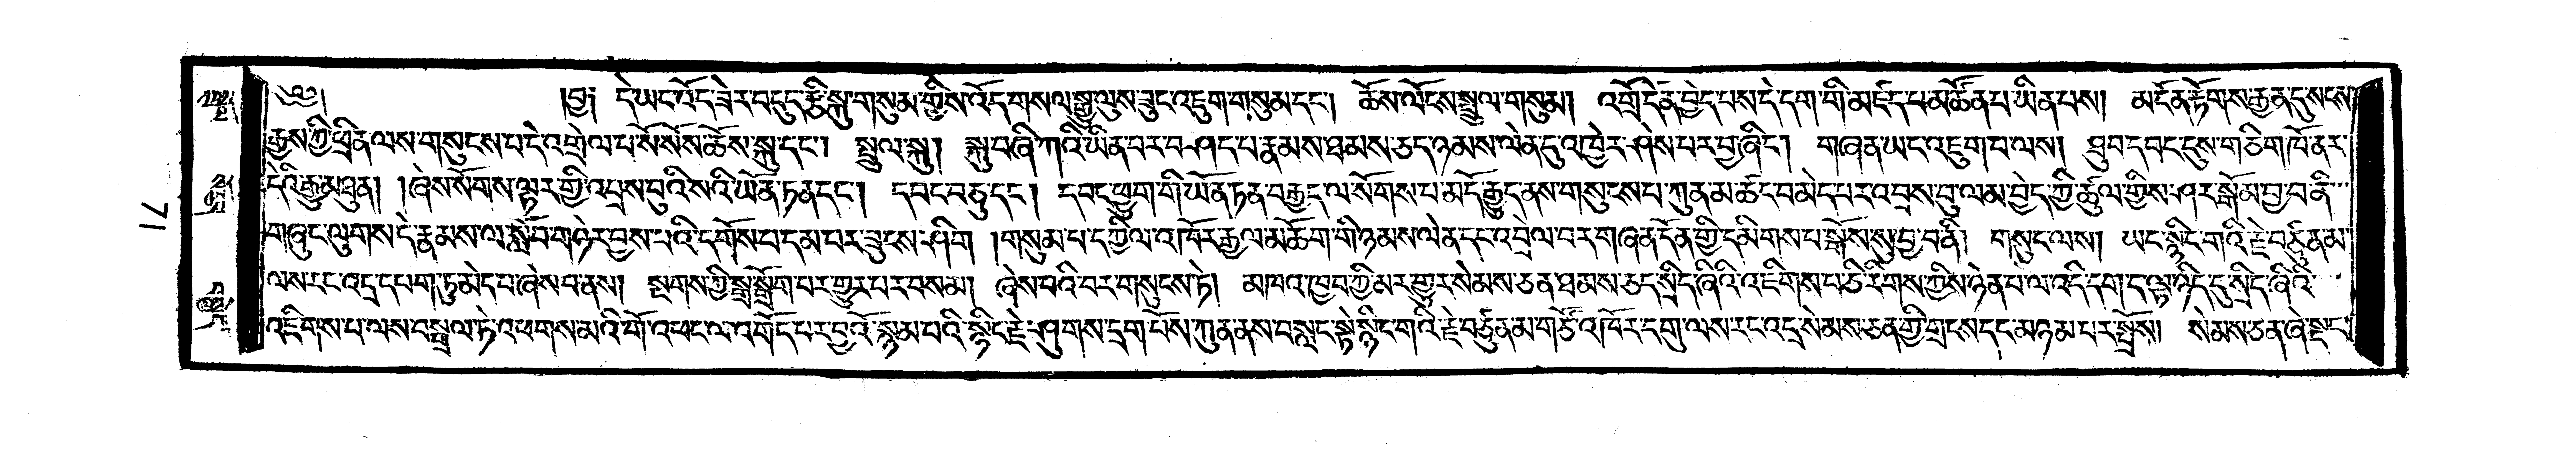༄༅། །པྱ། དེ་ཡང་འོད་ཟེར་བདུད་རྩི་སྐུ་གསུམ་གྱིས་འོད་གསལ་སྒྱུ་ལུས་ཟུང་འཇུག་གསུམ་དང་། ཆོས་ལོངས་སྤྲུལ་གསུམ། འགྲོན་དོན་བྱེད་པས་དེ་དག་གི་མཛད་པ་མཚོན་པ་ཡིན་པས། མངོན་རྟོགས་རྒྱན་དུ་སངས་
རྒྱས་ཀྱི་ཕྲིན་ལས་གསུངས་པ་དེ་འགྲེལ་པ་སོ་སོས་ཆོས་སྐུ་དང་། སྤྲུལ་སྐུ། སྐུ་བཞི་ཀའི་ཡིན་པར་བཤད་པ་རྣམས་ཐམས་ཅད་ཉམས་ལེན་དུ་འཁྱེར་ཤེས་པར་བྱ་ཞིང་། གཞན་ཡང་འཇུག་པ་ལས། ཐུབ་དབང་དུས་གཅིག་ཁོ་ནར་
དེའི་རྒྱུ་མཐུན། །ཞེས་སོགས་ལྟར་གྱི་འབྲས་བུའི་སའི་ཡོན་ཏན་དང་། དབང་བཅུ་དང་། དབང་ཕྱུག་གི་ཡོན་ཏན་བརྒྱད་ལ་སོགས་པ་མདོ་རྒྱུད་ནས་གསུངས་པ་ཀུན་མ་ཚང་བ་མེད་པར་འབྲས་བུ་ལམ་བྱེད་ཀྱི་ཚུལ་གྱིས་ཤར་སྒོམ་བྱ་བ་ནི་
གཞུང་ལུགས་དེ་རྣམས་ལ་སློབ་གཉེར་བྱས་པའི་དགོས་པ་དམ་པར་ཟུངས་ཤིག །གསུམ་པ་དཀྱིལ་འཁོར་རྒྱལ་མཆོག་གི་ཉམས་ལེན་དང་འབྲེལ་བར་གཞན་དོན་གྱི་དམིགས་པ་སྲོས་སུ་བྱ་བ་ནི། གསུང་ལས། ཡང་སྙིང་གའི་རྗེ་བཙུན་མ་
ལས་རང་འདྲ་དཔག་ཏུ་མེད་པ་ཞེས་པ་ནས། སྔགས་ཀྱི་སྒྲ་སྒྲོག་པར་གྱུར་པར་བསམ། ཞེས་པའི་བར་གསུངས་ཏེ། མཁའ་ཁྱབ་ཀྱི་མར་གྱུར་སེམས་ཅན་ཐམས་ཅད་སྲིད་ཞིའི་འཇིག་པ་ཅི་རིགས་ཀྱིས་ཉེན་པ་ལ་འདི་དག་ད་ལྟ་ཉིད་དུ་སྲིད་ཞིའི་
འཇིགས་པ་ལས་བསྒྲལ་ཏེ་འཕགས་མའི་གོ་འཕང་ལ་འགོད་པར་བྱའོ་སྙམ་པའི་སྙིང་རྗེ་ཤུགས་དྲག་པས་ཀུན་ནས་བསླང་སྟེ་སྙིང་གའི་རྗེ་བཙུན་མ་གཙོ་འཁོར་དགུ་ལས་རང་འདྲ་སེམས་ཅན་གྱི་གྲངས་དང་མཉམ་པར་སྤྲོས། སེམས་ཅན་ཞེ་སྡང་